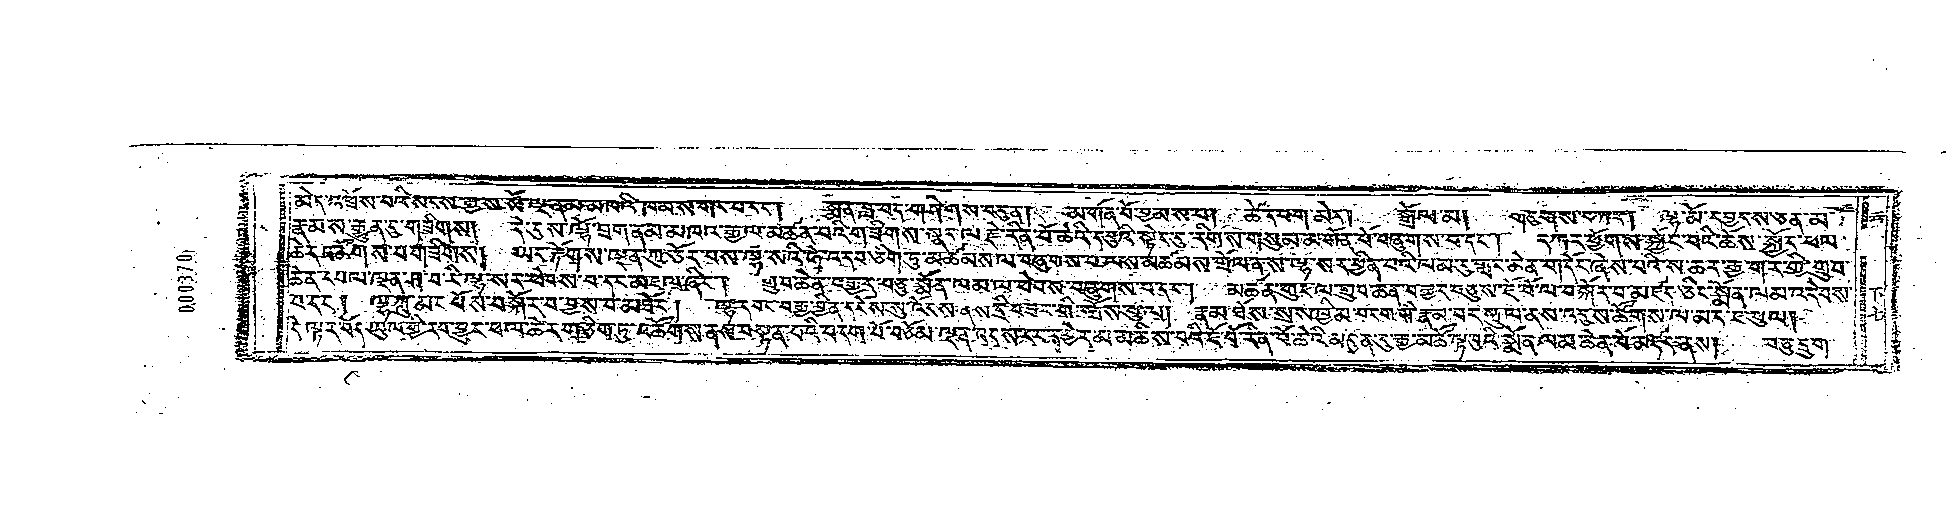མེད་འཕྲོས་བའི་སངས་རྒྱས་སོ་ལྔ་ནམ་མཁའི་ཁམས་གང་བ་དང་། སྨན་བླ་བདེ་གཤེགས་བདུན། མགོན་པོ་བྱམས་པ། ཚེ་དཔག་མེད། སྒྲོལ་མ། གདུགས་དཀར། ལྟ་མོ་དབྱངས་ཅན་མ་
རྣམས་རྒྱུན་དུ་གཟིགས། དེ་དུས་ལྷོ་བྲག་ནམ་མཁའ་རྒྱལ་མཚན་པའི་གཟིགས་སྣང་ལ་རྗེ་རིན་པོ་ཆེའི་དབུའི་སྟེང་དུ་རིགས་གསུམ་མགོན་པོ་བཞུགས་བ་དང་། དཀར་ཕྱོགས་སྐྱོང་བའི་ཆོས་སྐྱོང་ཕལ་
ཆེར་འཚོགས་པ་གཟིགས། ཡང་རྟོགས་ལྡན་ཀུ་ཅོར་པས་ལྷ་སའི་ཉེ་འདབ་ཅིག་ཏུ་མཚམས་ལ་བཞུགས་པ་ལས་མཚམས་གྲོལ་ནས་ལྷ་སར་ཕྱིན་པའི་ལམ་དུ་གླང་ཆེན་གདོང་ཞེས་པའི་ས་ཆར་རྒྱ་གར་གྱི་གྲུབ་
ཆེན་དཔལ་ལྡན་ཤ་བ་རི་ལྷ་སར་ཕེབས་བ་དང་མཇལ་ཞིང་། གྲུབ་ཆེན་བརྒྱད་བཅུ་སྨོན་ལམ་ལ་ཕེབས་བཞུགས་པ་དང་། མཚན་གུང་ལ་གྲུབ་ཆེན་བརྒྱད་བཅུས་ཇོ་བོ་ལ་བསྐོར་བ་མཛད་ཅིང་སྨོན་ལམ་འདེབས་
པ་དང་། ལྷ་ཀླུ་མང་པོས་བསྐོར་བ་བྱས་བ་མཐོང་། ལྷ་དབང་བརྒྱ་བྱིན་དངོས་སུ་འོངས་ནས་དྲི་བཟང་གི་སྤོས་ཕུལ། རྣམ་ཐོས་སྲས་ཁྱིམ་བདག་གི་རྣམ་པར་སྤྲུལ་ནས་འདུས་ཚོགས་ལ་མང་ཇ་ཕུལ།
དེ་ལྟར་བོད་ཡུལ་གྱི་རབ་བྱུང་ཕལ་ཆེར་གཅིག་ཏུ་འཚོགས་ནས་བསྟན་པའི་བདག་པོ་བཅོམ་ལྡན་འདས་དང་དབྱེར་མ་མཆིས་པའི་ཇོ་བོ་རིན་པོ་ཆེའི་མདུན་དུ་རྒྱ་མཚོ་ལྟ་བའི་སྨོན་ལམ་ཆེན་པོ་མཛད་ནས། བཅུ་དྲུག་